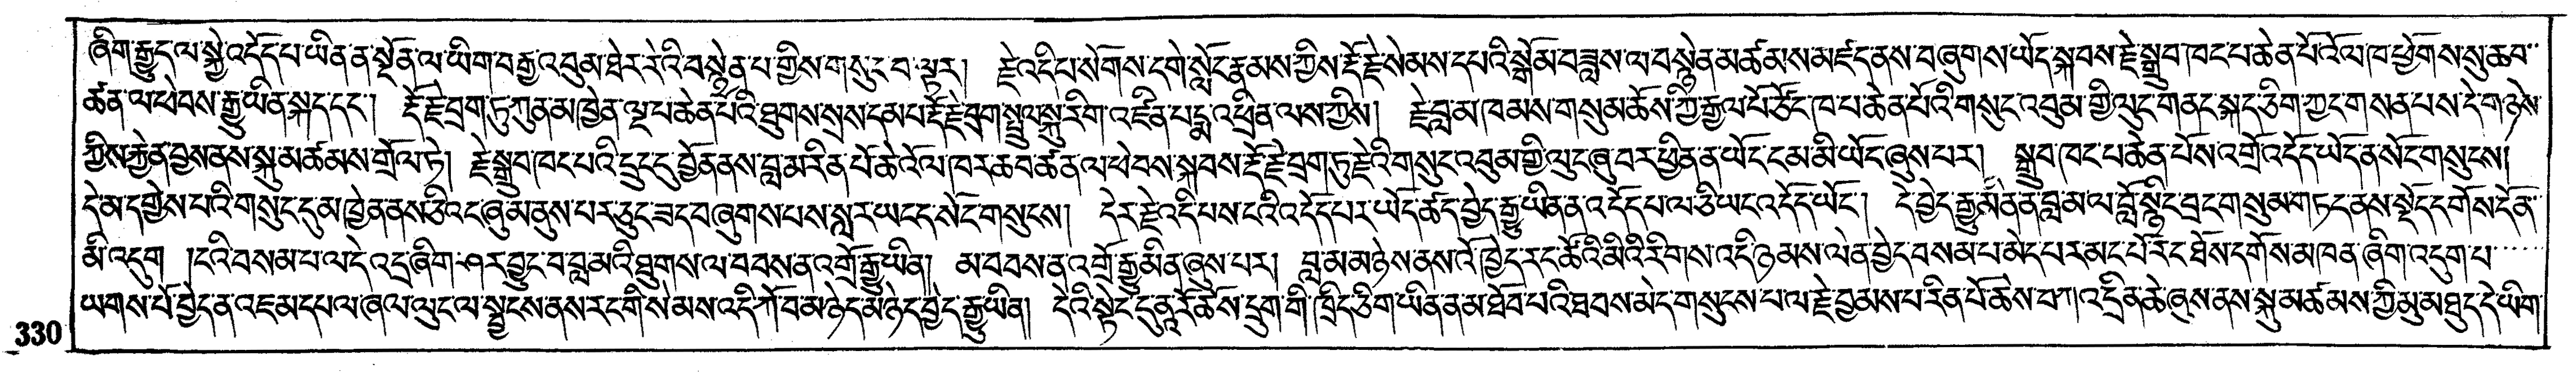ཞིག་རྒྱུད་ལ་སྐྱེ་འདོད་པ་ཡིན་ན་སྔོན་ལ་ཡིག་བརྒྱ་འབུམ་ཐེར་རེའི་བསྙན་པ་གྱིས་གསུང་པ་ལྟར། རྗེ་འདི་པ་སོགས་དགེ་སློང་རྣམས་ཀྱིས་རྡོ་རྗེ་སེམས་དཔའི་སྒོམ་བཟླས་ལ་བསྙེན་མཚམས་མཛད་ནས་བཞུགས་ཡོད་སྐབས་རྗེ་སྒྲུབ་ཁང་པ་ཆེན་པོ་འོལ་ཁ་ཕྱོགས་སུ་ཆབ་
ཚན་ལ་ཕེབས་རྒྱུ་ཡིན་སྐད་དང་། རྡོ་རྗེ་བྲག་ཏུ་ཀུན་མཁྱེན་ལྔ་པ་ཆེན་པོའི་ཐུགས་སྲས་དམ་པ་རྡོ་རྗེ་བྲག་སྤྲུལ་སྐུ་རིག་འཛིན་པདམ་འཕྲིན་ལས་ཀྱིས། རྗེ་བླ་མ་ཁམས་གསུམ་ཆོས་ཀྱི་རྒྱལ་པོ་ཙོང་ཁ་པ་ཆེན་པོའི་གསུང་འབུམ་གྱི་ལུང་གནང་སྐད་ཅིག་ཀྱང་གསན་པས་དེ་གཉིས་
ཀྱིས་རྐྱེན་བྱས་ནས་སྐུ་མཚམས་གྲོལ་ཏེ། རྗེ་སྒྲུབ་ཁང་པའི་དྲུང་དུ་བྱོན་ནས་བླ་མ་རིན་པོ་ཆེ་འོལ་ཁར་ཆབ་ཚན་ལ་ཕེབས་སྐབས་རྡོ་རྗེ་བྲག་ཏུ་རྗེའི་གསུང་འབུམ་གྱི་ལུང་ཞུ་བར་ཕྱིན་ན་ཡོང་ངམ་མི་ཡོང་ཞུས་པར། སྒྲུབ་ཁང་པ་ཆེན་པོས་འགྲོ་འདོད་ཡོད་ན་སོང་གསུངས།
དེ་མ་དགྱེས་པའི་གསུང་དུ་མཁྱེན་ནས་ཅིའང་ཞུ་མ་ནུས་པར་ཅུང་ཟད་བཞུགས་པས་སླར་ཡང་ད་སོང་གསུངས། དེར་རྗེ་འདི་པས་ངའི་འདོད་པར་ཡོད་ཚད་བྱེད་རྒྱུ་ཡིན་ན་འདོད་པ་ལ་ཅི་ཡང་འདོད་ཡོང་། དེ་བྱེད་རྒྱུ་ཡིན་ན་བླ་མ་ལ་བློ་སྙིང་བྲང་གསུམ་གཏད་ནས་སྡོད་དགོས་དོན་
མི་འདུག །ངའི་བསམ་པ་ལ་དེ་འདྲ་ཞིག་ཤར་བྱུང་བ་བླ་མའི་ཐུགས་ལ་བབས་ན་འགྲོ་རྒྱུ་ཡིན། མ་བབས་ན་འགྲོ་རྒྱུ་མིན་ཞུས་པར། བླ་མ་མཉེས་ནས་འོ་ཁྱེད་རང་ཚོའི་མིའི་རིགས་འདི་ཉམས་ལེན་བྱེད་བསམ་པ་མེད་པར་མང་པོ་རང་ཐོས་དགོས་མཁན་ཞིག་འདུག་པ་
ཡགས་པོ་བྱེད་ན་འཇམ་དཔལ་ཞལ་ལུང་ལ་སྦྱངས་ནས་རང་གི་སེམས་འདི་ཀོ་བ་མཉེད་མཉེད་བྱེད་རྒྱུ་ཡིན། དེའི་སྟེང་དུ་ནཱ་རོ་ཆོས་དྲུག་གི་ཁྲིད་ཅིག་ཡིན་ན་མ་ཐོབ་པའི་ཐབས་མེད་གསུངས་པ་ལ་རྗེ་བྱམས་པ་རིན་པོ་ཆེས་བཀའ་དྲིན་ཆེ་ཞུས་ནས་སྐུ་མཚམས་ཀྱི་མུ་མཐུད་དེ་ཡིག་